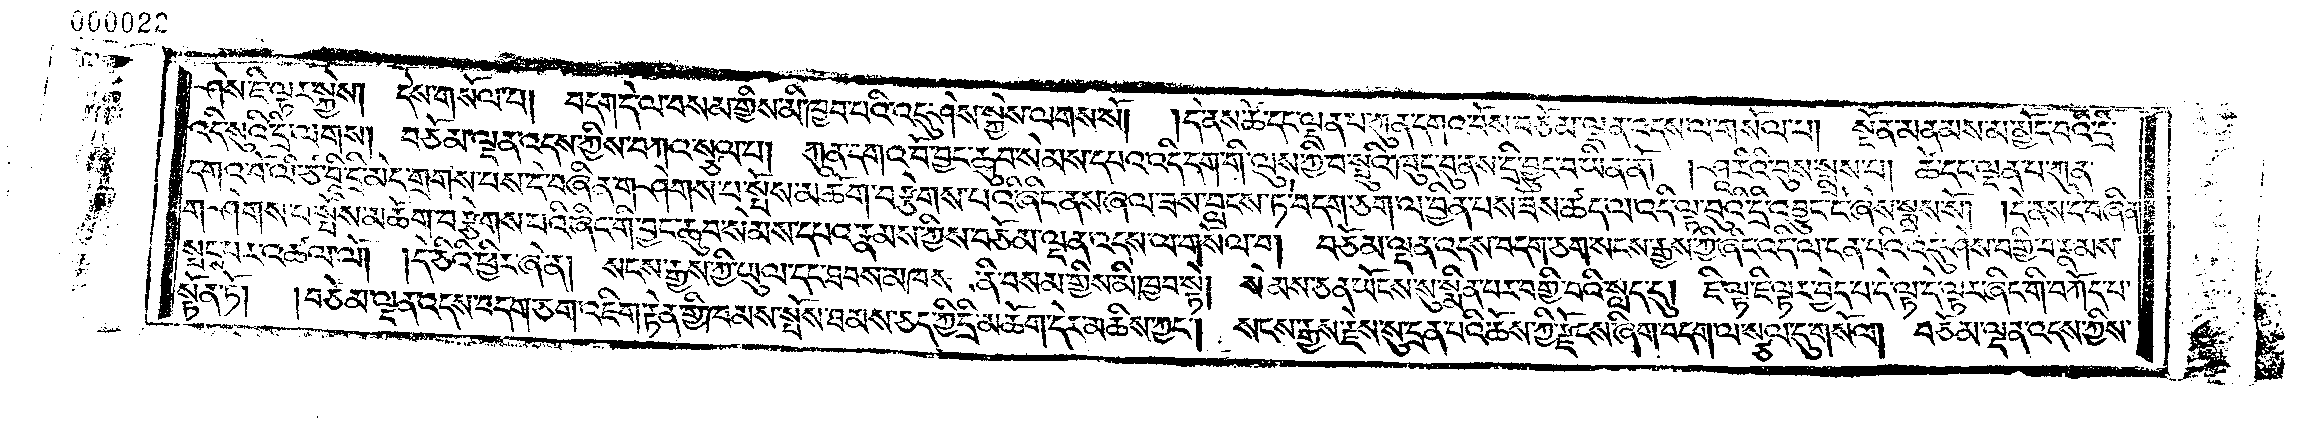ཤེས་ཇི་ལྟར་སྐྱེས། དེས་གསོལ་པ། བདག་དེ་ལ་བསམ་གྱིས་མི་ཁྱབ་པའི་འདུ་ཤེས་སྐྱེས་ལགས་སོ། །དེ་ནས་ཚེ་དང་ལྡན་པ་ཀུན་དགའ་བོས་བཅོམ་ལྡན་འདས་ལ་གསོལ་པ། སྔོན་མནམས་མ་མྱོང་བའི་དྲི་
འདི་སུའི་དྲི་ལགས། བཅོམ་ལྡན་འདས་ཀྱིས་བཀའ་སྩལ་པ། ཀུན་དགའ་བོ་བྱང་ཆུབ་སེམས་དཔའ་འདི་དག་གི་ལུས་ཀྱི་བ་སྤུའི་ཁུང་བུ་ནས་དྲི་བྱུང་བ་ཡིན་ནོ། །ཤཱ་རིའི་བུས་སྨྲས་པ། ཚེ་དང་ལྡན་པ་ཀུན་
དགའ་བོ་ལི་ཙ་བཱི་དྲི་མེད་གྲགས་བས་དེ་བཞིན་གཤེགས་པ་སྤོས་མཆོག་བརྩེགས་པའི་ཞིང་ནས་ཞལ་ཟས་བླངས་ཏེ་བདག་ཅག་ལ་བྱིན་པས་ཟོས་ཚད་ལ་འདི་ལྟ་བུའི་དྲི་འབྱུང་ངོ་ཞེས་སྨྲས་སོ། །དེ་ནས་དེ་བཞིན་
གཤེགས་པ་སྤོས་མཆོག་བརྩེགས་པའི་ཞིང་གི་བྱང་ཆུབ་སེམས་དཔའ་རྣམས་ཀྱིས་བཅོམ་ལྡན་འདས་ལ་གསོལ་བ། བཅོམ་ལྡན་འདས་བདག་ཅག་སངས་རྒྱས་ཀྱི་ཞིང་འདི་ལ་ངན་པའི་འདུར་ཤེས་བགྱི་བ་རྣམས་
སྤངས་པར་འཚལ་ལོ། །དེ་ཅིའི་ཕྱིར་ཞེ་ན། སངས་རྒྱས་ཀྱི་ཡུལ་དང་ཐབས་མཁས་པ་ནི་བསམ་གྱིས་མི་ཁྱབ་སྟེ། སེམས་ཅན་ཡོངས་སུ་སྨིན་བར་བགྱི་བའི་སླད་དུ། ཇི་ལྟ་ཇི་ལྟར་བྱེད་པ་དེ་ལྟ་དེ་ལྟར་ཞིང་གི་བཀོད་པ་
སྟོན་ཏོ། །བཅོམ་ལྡན་འདས་བདག་ཅག་འཇིག་རྟེན་གྱི་ཁམས་སྤོས་ཐམས་ཅད་ཀྱི་དྲི་མཆོག་དེར་མཆིས་ཀྱང་། སངས་རྒྱས་རྗེས་སུ་དྲན་པའི་ཆོས་ཀྱི་རྫོངས་ཞིག་བདག་ལ་སྩལ་དུ་གསོལ། བཅོམ་ལྡན་འདས་ཀྱིས་